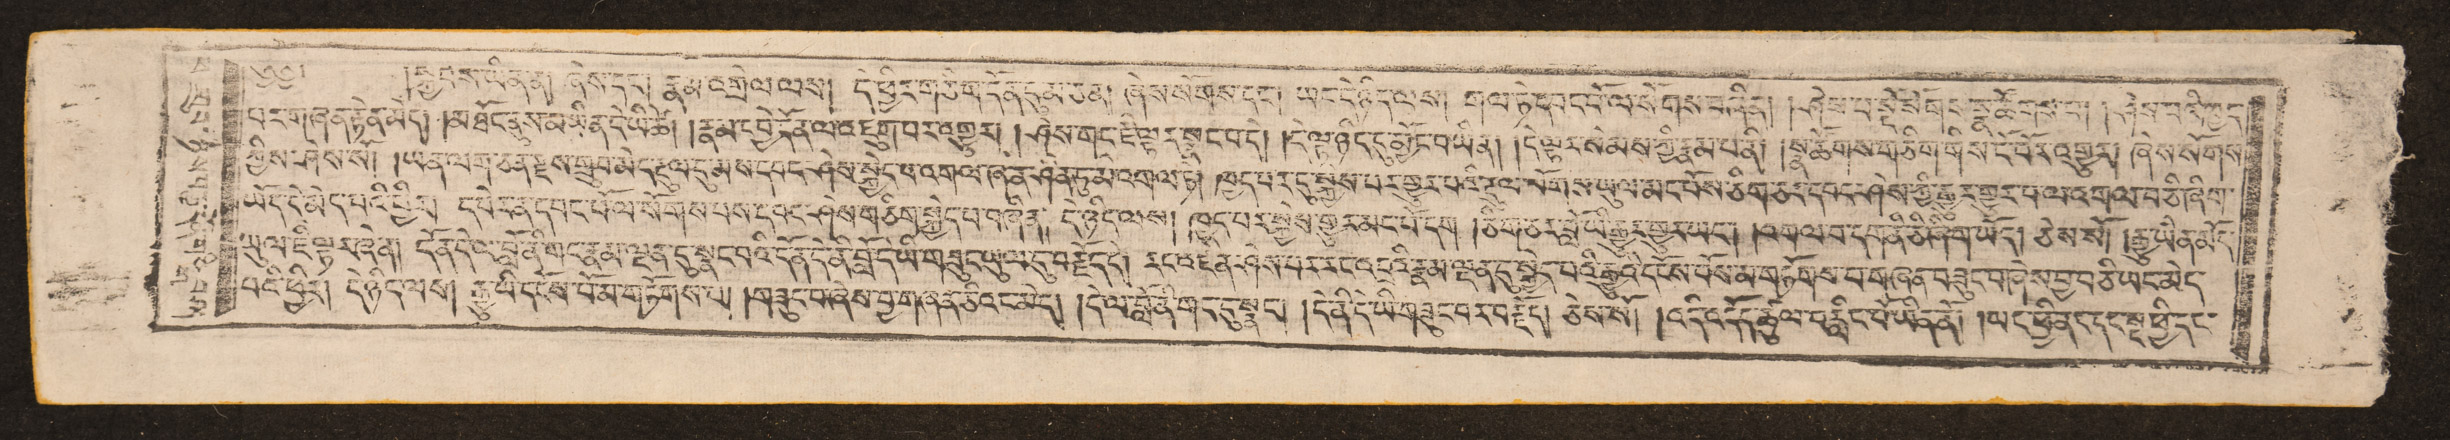༄༅། །སྐྱབས་ཡིན་ན། ཞེས་དང་། རྣམ་འབྲེལ་ལས། དེ་ཕྱིར་གཅིག་དོན་དུ་མ་ཅན། ཞེས་སོགས་དང་། ཡང་དེ་ཉིད་ལས། གལ་ཏེ་དབང་པོ་ལ་སོགས་བཞིན། །ཤེས་པ་སྔོ་སོགས་སྣ་ཚོགས་པ། །ཤེས་པའི་ཁྱད་
པར་གཞན་རྟེན་མེད། །མཐོང་ནུས་མ་ཡིན་དེ་ཡི་ཚེ། །རྣམ་དབྱེ་དོན་ལ་འཇུག་པར་འགྱུར། །ཤེས་གང་ཇི་ལྟར་སྣང་པ་དེ། །དེ་ལྟ་ཉིད་དུ་མྱོང་བ་ཡིན། །དེ་ལྟར་སེམས་ཀྱི་རྣམ་པ་ནི། །སྣ་ཚོགས་གཅིག་གིས་ངོ་བོར་འགྱུར། ཞེས་སོགས་
ཀྱིས་ཤོས་སོ། །ཡན་ལག་ཅན་རྫས་གྲུབ་མེད་རྡུལ་དུ་མས་དབང་ཤེས་སྐྱེད་པ་འགལ་ཞེ་ན་ཤིན་ཏུ་མི་འགལ་ཏེ། ཁྱད་པར་དུ་སྐྱེས་པར་གྱུར་བའི་རྡུལ་སོགས་ཡུལ་མང་པོས་ཅིག་ཅར་དབང་ཤེས་ཀྱི་རྒྱུར་གྱུར་པ་ལ་འགལ་བ་ཅི་ཞིག་
ཡོད་དེ་མེད་པའི་ཕྱིར། དཔེར་ན་དབང་པོ་ལ་སོགས་པས་དབང་ཤེས་གཅིག་སྐྱེད་པ་གཞིན། དེ་ཉིད་ལས། ཁྱད་པར་སྐྱེས་གྱུར་མང་པོ་དག །ཅིག་ཅར་བློ་ཡི་རྒྱུར་གྱུར་ཡང་། །འགལ་བདག་ནི་ཅི་ཞིག་ཡོད། ཅེས་སོ། །རྒྱུ་ཡིན་མོད་
ཡུལ་ཇི་ལྟར་ཞེ་ན། དོན་དེ་ལ་བློ་ནི་གང་རྣམ་ལྡན་དུ་སྣང་བའི་དོན་དེ་ནི་བློ་དེ་ཡི་གཟུང་ཡུལ་དུ་བརྗོད་དེ། རང་འཛིན་ཤེས་པར་རང་འདྲའི་རྣམ་ལྡན་དུ་སྐྱེད་པའི་རྒྱུའི་དངོས་པོས་མ་གཏོགས་པ་གཞན་བཟུང་བ་ཞེས་བྱ་བ་ཅི་ཡང་མེད་
པའི་ཕྱིར། དེ་ཉིད་ལས། རྒྱུ་ཡི་དངོས་པོ་མ་གཏོགས་པ། །གཟུང་བ་ཞེས་བྱ་གཞན་ཅི་འང་མེད། །དེ་ལ་བློ་ནི་གང་དུ་སྣང་། །དེ་ནི་དེ་ཡི་གཟུང་བར་བརྗོད། ཅེས་སོ། །འདི་འདོད་ཚུལ་བརླིང་པོ་ཡིན་ནོ། །ཡང་ཕྱི་ནང་དང་སྔ་ཕྱི་དང་